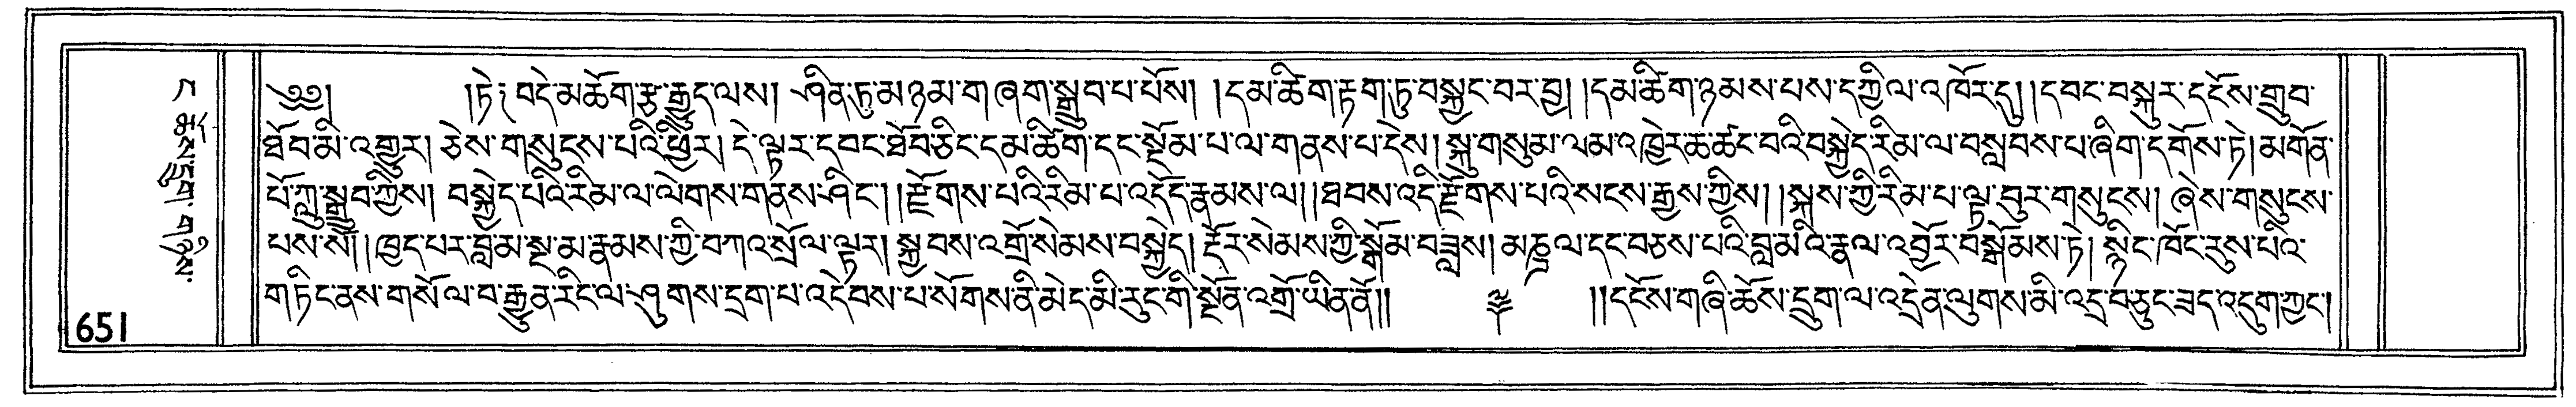༄༅། །ཏེ༑ བདེ་མཆོག་རྩ་རྒྱུད་ལས། ཤིན་ཏུ་མཉམ་གཞག་སྒྲུབ་པ་པོས། །དམ་ཚིག་རྟག་ཏུ་བསྐྱང་བར་བྱ། །དམ་ཚིག་ཉམས་པས་དཀྱིལ་འཁོར་དུ། །དབང་བསྐུར་དངོས་གྲུབ་
ཐོབ་མི་འགྱུར། ཅེས་གསུངས་པའི་ཕྱིར། དེ་ལྟར་དབང་ཐོབ་ཅིང་དམ་ཚིག་དང་སྡོམ་པ་ལ་གནས་པ་དེས། སྐུ་གསུམ་ལམ་འཁྱེར་ཆ་ཚང་བའི་བསྐྱེད་རིམ་ལ་བསླབས་པ་ཞིག་དགོས་ཏེ། མགོན་
པོ་ཀླུ་སྒྲུབ་ཀྱིས། བསྐྱེད་པའི་རིམ་ལ་ལེགས་གནས་ཤིང་། །རྫོགས་པའི་རིམ་པ་འདོད་རྣམས་ལ། །ཐབས་འདི་རྫོགས་པའི་སངས་རྒྱས་ཀྱིས། །སྐས་ཀྱི་རིམ་པ་ལྟ་བུར་གསུངས། ཞེས་གསུངས་
པས་སོ། །ཁྱད་པར་བླ་མ་སྔ་མ་རྣམས་ཀྱི་བཀའ་སྲོལ་ལྟར། སྐྱབས་འགྲོ་སེམས་བསྐྱེད། རྡོར་སེམས་ཀྱི་སྒོམ་བཟླས། མཎྜལ་དང་བཅས་པའི་བླ་མའི་རྣལ་འབྱོར་བསྒོམས་ཏེ། སྙིང་ཁོང་རུས་པའི་
གཏིང་ནས་གསོལ་བ་རྒྱུན་རིང་ལ་ཤུགས་དྲག་པ་འདེབས་པ་སོགས་ནི་མེད་མི་རུང་གི་སྔོན་འགྲོ་ཡིན་ནོ།། ༈ །།དངོས་གཞི་ཆོས་དྲུག་ལ་འདྲེན་ལུགས་མི་འདྲ་བ་ཅུང་ཟད་འདུག་ཀྱང་།